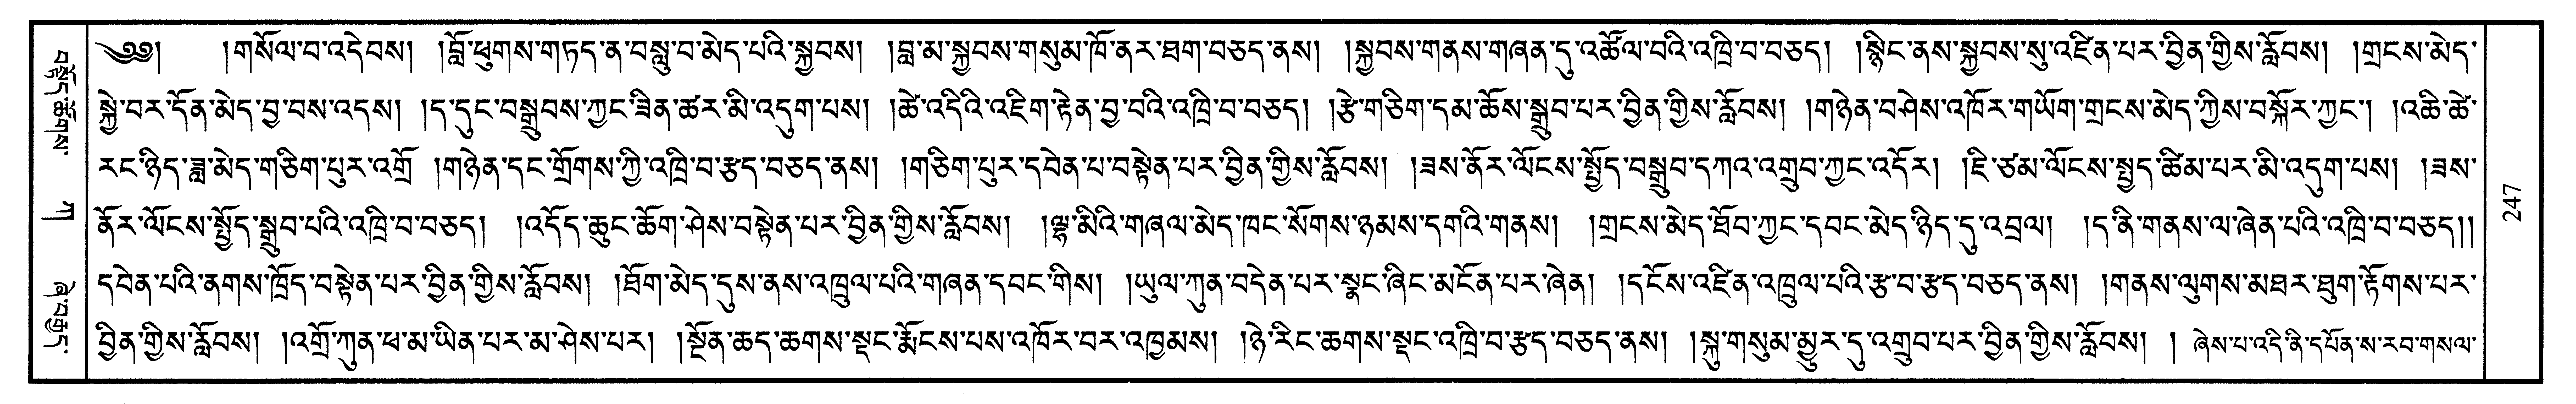༄༅། །གསོལ་བ་འདེབས། །བློ་ཕུགས་གཏད་ན་བསླུ་བ་མེད་པའི་སྐྱབས། །བླ་མ་སྐྱབས་གསུམ་ཁོ་ནར་ཐག་བཅད་ནས། །སྐྱབས་གནས་གཞན་དུ་འཚོལ་བའི་འཁྲི་བ་བཅད། །སྙིང་ནས་སྐྱབས་སུ་འཛིན་པར་བྱིན་གྱིས་རློབས། །གྲངས་མེད་
སྐྱེ་བར་དོན་མེད་བྱ་བས་འདས། །ད་དུང་བསྒྲུབས་ཀྱང་ཟིན་ཚར་མི་འདུག་པས། །ཚེ་འདིའི་འཇིག་རྟེན་བྱ་བའི་འཁྲི་བ་བཅད། །རྩེ་གཅིག་དམ་ཆོས་སྒྲུབ་པར་བྱིན་གྱིས་རློབས། །གཉེན་བཤེས་འཁོར་གཡོག་གྲངས་མེད་ཀྱིས་བསྐོར་ཀྱང་། །འཆི་ཚེ་
རང་ཉིད་ཟླ་མེད་གཅིག་པུར་འགྲོ་།གཉེན་དང་གྲོགས་ཀྱི་འཁྲི་བ་རྩད་བཅད་ནས། །གཅིག་པུར་དབེན་པ་བསྟེན་པར་བྱིན་གྱིས་རློབས། །ཟས་ནོར་ལོངས་སྤྱོད་བསྒྲུབ་དཀའ་འགྲུབ་ཀྱང་འདོར། །ཇི་ཙམ་ལོངས་སྤྱད་ཚིམ་པར་མི་འདུག་པས། །ཟས་
ནོར་ལོངས་སྤྱོད་སྒྲུབ་པའི་འཁྲི་བ་བཅད། །འདོད་ཆུང་ཆོག་ཤེས་བསྟེན་པར་བྱིན་གྱིས་རློབས། །ལྷ་མིའི་གཞལ་མེད་ཁང་སོགས་ཉམས་དགའི་གནས། །གྲངས་མེད་ཐོབ་ཀྱང་དབང་མེད་ཉིད་དུ་འབྲལ། །ད་ནི་གནས་ལ་ཞེན་པའི་འཁྲི་བ་བཅད། །
དབེན་པའི་ནགས་ཁྲོད་བསྟེན་པར་བྱིན་གྱིས་རློབས། །ཐོག་མེད་དུས་ནས་འཁྲུལ་པའི་གཞན་དབང་གིས། །ཡུལ་ཀུན་བདེན་པར་སྣང་ཞིང་མངོན་པར་ཞེན། །དངོས་འཛིན་འཁྲུལ་པའི་རྩ་བ་རྩད་བཅད་ནས། །གནས་ལུགས་མཐར་ཐུག་རྟོགས་པར་
བྱིན་གྱིས་རློབས། །འགྲོ་ཀུན་ཕ་མ་ཡིན་པར་མ་ཤེས་པར། །སྔོན་ཆད་ཆགས་སྡང་རྨོངས་པས་འཁོར་བར་འཁྱམས། །ཉེ་རིང་ཆགས་སྡང་འཁྲི་བ་རྩད་བཅད་ནས། །སྐུ་གསུམ་མྱུར་དུ་འགྲུབ་པར་བྱིན་གྱིས་རློབས། །ཞེས་པ་འདི་ནི་དཔོན་ས་རབ་གསལ་